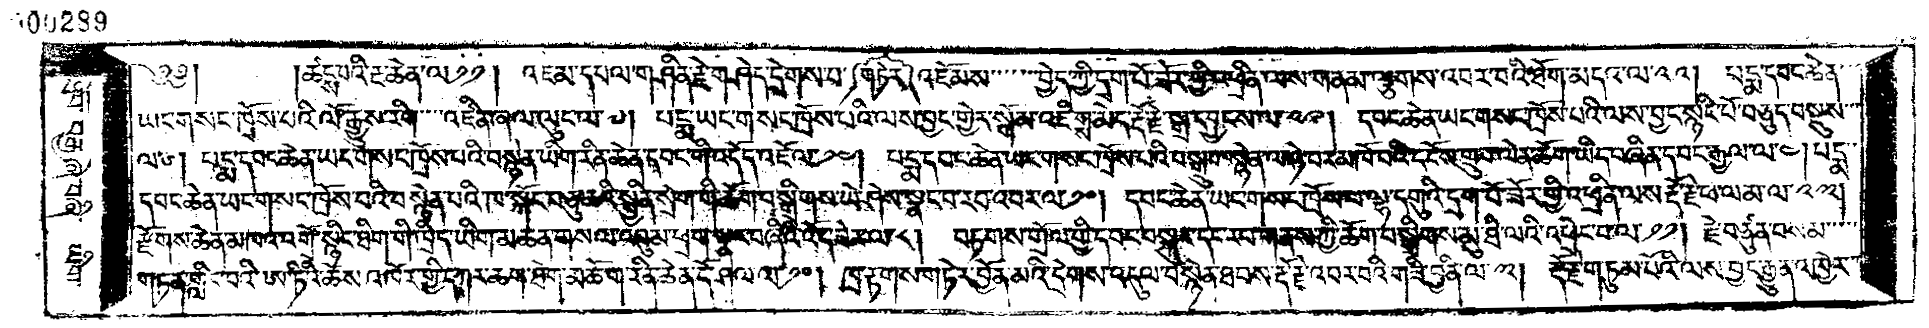༄༅། །ཚངས་པའི་རྔ་ཆེན་ལ ༡༡། འཇམ་དཔལ་གཤིན་རྗེ་གཤེད་དྲེགས་པ ༼གཏེར༽ འཇོམས་བྱེད་ཀྱི་དྲག་པོ་ཟོར་གྱི་འཕྲིན་ལས་གནམ་ལྕགས་འབར་བའི་ཐོག་མདའ་ལ ༢༢། པདམ་དབང་ཆེན་
ཡང་གསང་ཁྲོས་པའི་ལོ་རྒྱུས་རིག་འཛིན་ཞལ་ལུང་ལ ༧། པདམ་ཡང་གསང་ཁྲོས་པའི་ལས་བྱང་གྱེར་སྒོམ་འཇིགས་མེད་རྡོ་རྗེ་སྒྲ་དབྱངས་ལ ༢༩། དབང་ཆེན་ཡང་གསང་ཁྲོས་པའི་ལས་བྱང་སྙིང་པོ་བཅུད་བསྡུས་
ལ ༦། པདམ་དབང་ཆེན་ཡང་གསང་ཁྲོས་པའི་བསྙེན་ཡིག་རིན་ཆེན་དབང་གི་འདོད་འཇོ་ལ ༡༤། པདམ་དབང་ཆེན་ཡང་གསང་ཁྲོས་པའི་བསྒྲུབ་བསྙེན་ལ་ཉེ་བར་མཁོ་བའི་དངོས་གྲུབ་ལེན་ཆོག་ཡིད་བཞིན་དབང་རྒྱལ་ལ ༤། པདམ་
དབང་ཆེན་ཡང་གསང་ཁྲོས་པའི་བསྙེན་པའི་ཁ་སྐོང་བཅུ་ཆའི་སྦྱིན་སྲེག་གི་ཆོག་བསྒྲིགས་ཡེ་ཤེས་སྣང་བ་རབ་འབར་ལ ༡༠། དབང་ཆེན་ཡང་གསང་ཁྲོས་པ་ལྷ་དགུའི་དྲག་པོ་ཟོར་གྱི་འཕྲིན་ལས་རྡོ་རྗེ་ཕ་ལམ་ལ ༢༣།
རྫོགས་ཆེན་མཁའ་འགྲོ་སྙིང་ཐིག་གི་ཁྲིད་ཡིག་མཆན་གསལ་འབུམ་ཕྲག་སྣང་བཞིའི་འོད་ཟེར་ལ ༨། བཏགས་གྲོལ་གྱི་དབང་བསྐུར་དང་རབ་གནས་ཀྱི་ཆོག་བསྒྲིགས་མུ་ཐི་ལའི་འཕྲེང་བ་ལ ༡༡། རྗེ་བཙུན་བསམ་
གཏན་གླིང་བའི་ཨ་ཏིའི་ཆོས་འཁོར་གྱི་དཀར་ཆག་ཐེག་མཆོག་རིན་ཆེན་དོ་ཤལ་ལ ༡༠། ཁྲ་རྟགས་གཏེར་བྱོན་མའི་དྲེགས་འདུལ་བསྙེན་ཐབས་རྡོ་རྗེ་འབར་བའི་གཟི་བྱིན་ལ ༣། རྡོ་རྗེ་གཏུམ་པོའི་ལས་བྱང་རྒྱུན་འཁྱེར་